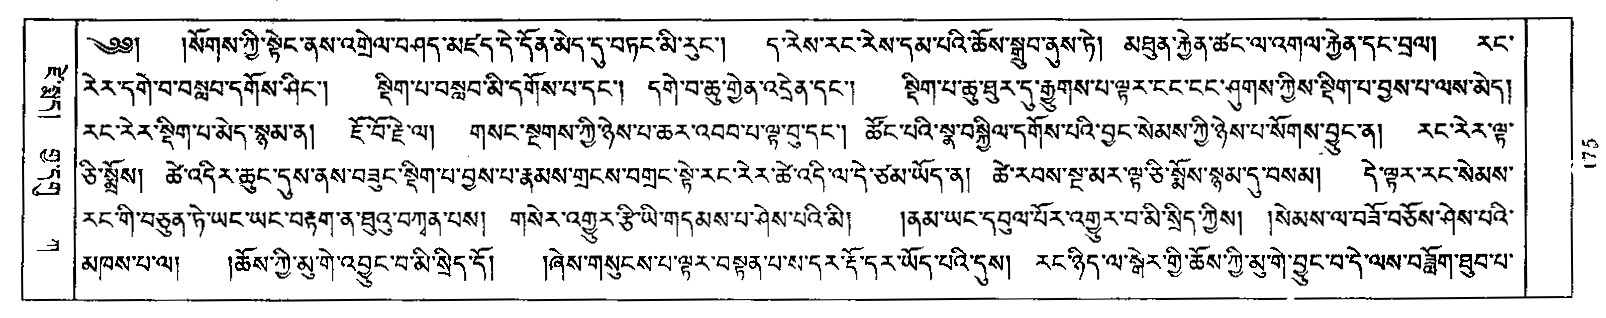༄༅། །སོགས་ཀྱི་སྟེང་ནས་འགྲེལ་བཤད་མཛད་དེ་དོན་མེད་དུ་བཏང་མི་རུང་། ད་རེས་རང་རེས་དམ་པའི་ཆོས་སྒྲུབ་ནུས་ཏེ། མཐུན་རྐྱེན་ཚང་ལ་འགལ་རྐྱེན་དང་བྲལ། རང་
རེར་དགེ་བ་བསླབ་དགོས་ཤོང་། སྡིག་པ་བསླབ་མི་དགོས་པ་དང་། དེ་བ་ཆུ་གྱེན་འདྲེན་དང་། སྡིག་པ་ཆུ་ཐུར་དུ་རྒྱུགས་པ་ལྟར་ངང་ངང་ཤུགས་ཀྱིས་སྡིག་པ་བྱས་པ་ལས་མེད།
རང་རེར་སྡིག་པ་མེད་སྙམ་ན། ཇོ་བོ་རྗེ་ལ། གསང་སྔགས་ཀྱི་ཉེས་པ་ཆར་འབབ་པ་ལྟ་བུ་དང་། ཚོང་པའི་སྣ་བསྐྱིལ་དགོས་པའི་བྱང་སེམས་ཀྱི་ཉེས་པ་སོགས་བྱུང་ན། རང་རེར་ལྟ་
ཅི་སྨྲོས། ཚེ་འདིར་ཆུང་དུས་ནས་བཟུང་སྡིག་པ་བྱས་པ་རྣམས་གྲངས་བགྲང་སྟེ་རང་རེར་ཚེ་འདི་ལ་དེ་ཙམ་ཡོད་ན། ཚེ་རབས་སྔ་མར་ལྟ་ཅི་སྨོས་སྙམ་དུ་བསམ། དེ་ལྟར་རང་སེམས་
རང་གི་བཅུན་ཏེ་ཡང་ཡང་བརྟག་ན་ཐུའུ་བཀྭན་པས། གསེར་འགྱུར་རྩི་ཡི་གདམས་པ་ཤེས་པའི་མི། །ནམ་ཡང་དབུལ་པོར་འགྱུར་བ་མི་སྲིད་ཀྱིས། །སེམས་ལ་བཟོ་བཅོས་ཤེས་པའི་
མཁས་པ་ལ། །ཆོས་ཀྱི་མུ་གེ་འབྱུང་བ་མི་སྲིད་དོ། །ཞེས་གསུངས་པ་ལྟར་བསྟན་པ་ས་དར་རྡོ་དར་ཡོད་པའི་དུས། རང་ཉིད་ལ་སྒེར་གྱི་ཆོས་ཀྱི་མུ་གེ་བྱུང་བ་དེ་ལས་བཟློག་ཐུབ་པ་